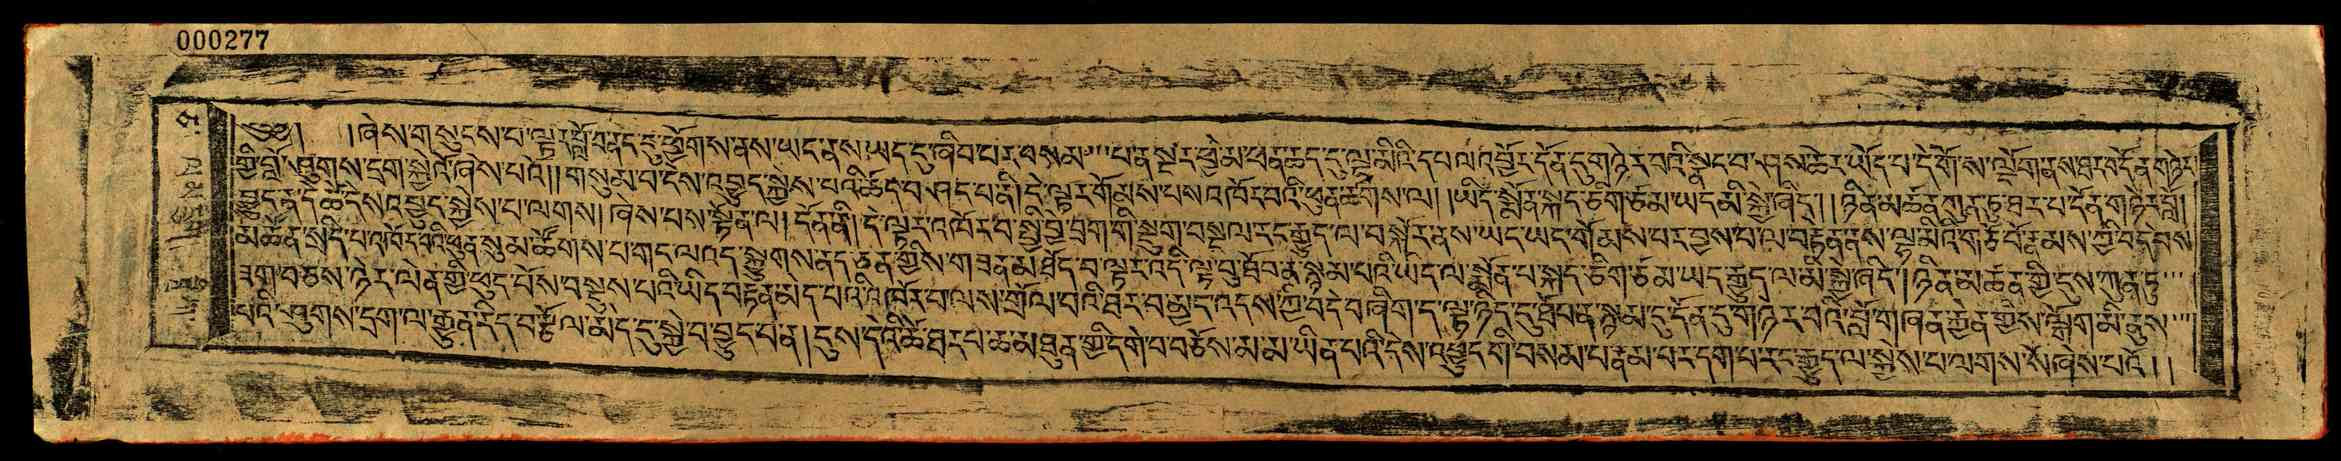༄༅། །ཞེས་གསུངས་པ་ལྟར་བློ་ཁ་ནང་དུ་ཕྱོགས་ནས་ཡང་ནས་ཡང་དུ་ཞིབ་པར་བསམ་་་པ་ན་སྔར་ཕྱི་མ་ཕན་ཆད་དུ་ལྷ་མིའི་དཔལ་འབྱོར་དོན་དུ་གཉེར་བའི་སྣང་བ་ཤས་ཆེར་ཡོད་པ་དེ་གོ་ས་ལྡོག་ནས་ཐར་བདོན་གཉེར་
གྱི་བློ་ཤུགས་དྲག་སྐྱེའོ་ཞེས་པའོ། །གསུམ་པ་ངེས་འབྱུང་སྐྱེས་པའི་ཚད་བཤད་པ་ནི། དེ་ལྟར་གོམས་པས་འཁོར་བའི་ཕུན་ཚོགས་ལ། །ཡིད་སྨོན་སྐད་ཅིག་ཙམ་ཡང་མི་སྐྱེ་ཞིང་། །ཉིན་མཚན་ཀུན་ཏུ་ཐར་པ་དོན་གཉེར་བློ།
བྱུང་ན་དེ་ཚེ་ངེས་འབྱུང་སྐྱེས་པ་ལགས། ཞེས་པས་སྟོན་ལ། དོན་ནི། དེ་ལྟར་འཁོར་བ་སྤྱི་བྱེ་བྲག་གི་སྡུག་བསྔལ་རང་རྒྱུད་ལ་བསྐོར་ནས་ཡང་ཡང་གོམས་པར་བྱས་པ་ལ་བརྟེན་ནས་ལྷ་མིའི་གཙོ་བོ་རྣམས་ཀྱི་བདེ་བས་
མཚོན་སྲིད་པ་འཁོར་བའི་ཕུན་སུམ་ཚོགས་པ་གང་ལའང་སྐྱུགས་ནད་ཅན་གྱིས་གཞན་མཐོང་བ་ལྟར་འདི་ལྟ་བུ་ཐོབ་ན་སྙམ་པའི་ཡིད་ལ་སྨོན་པ་སྐད་ཅིག་ཙམ་ཡང་རྒྱུད་ལ་མི་སྐྱེ་ཞིང་། ཉིན་མཚན་གྱི་དུས་ཀུན་ཏུ་་་
ཟག་བཅས་ཉེར་ལེན་གྱི་ཕུང་པོས་བསྡུས་པའི་ཡིད་བརྟེན་མེད་པའི་འཁོར་བ་ལས་གྲོལ་བའི་ཐར་པ་མྱང་འདས་ཀྱི་བདེ་བ་ཞིག་ད་ལྟ་ཉིད་དུ་ཐོབ་ན་སྙམ་དུ་དོན་དུ་གཉེར་བའི་བློ་གཞན་རྐྱེན་གྱིས་ལྡོག་མི་ནུས་་་
པའི་ཤུགས་དྲག་ལ་རྒྱུན་རིང་བརྩོལ་མེད་དུ་སྐྱེ་བ་བྱུང་བ་ན། དུས་དེའི་ཚེ་ཐར་པ་ཆ་མཐུན་གྱི་དགེ་བ་བཅོས་མ་མ་ཡིན་པའི་ངེས་འབྱུང་གི་བསམ་པ་རྣམ་པར་དག་པ་རང་རྒྱུད་ལ་སྐྱེས་པ་ལགས་སོ་ཞེས་པའོ།།